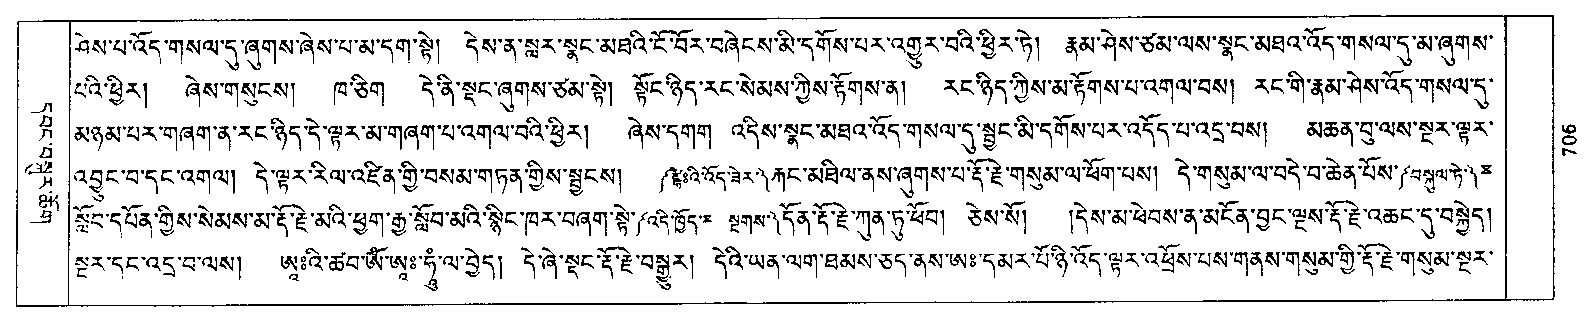ཤེས་པ་འོད་གསལ་དུ་ཞུགས་ཞེས་པ་མ་དག་སྟེ། དེས་ན་སླར་སྣང་མཐའི་ངོ་བོར་བཞེངས་མི་དགོས་པར་འགྱུར་བའི་ཕྱིར་ཏེ། རྣམ་ཤེས་ཙམ་ལས་སྣང་མཐའ་འོད་གསལ་དུ་མ་ཞུགས་
པའི་ཕྱིར། ཞེས་གསུངས། ཁ་ཅིག་དེ་ནི་སྡང་ཞུགས་ཙམ་སྟེ། སྟོང་ཉིད་རང་སེམས་ཀྱིས་རྟོགས་ན། རང་ཉིད་ཀྱིས་མ་རྟོགས་པ་འགལ་བས། རང་གི་རྣམ་ཤེས་འོད་གསལ་དུ་
མཉམ་པར་གཞག་ན་རང་ཉིད་དེ་ལྟར་མ་གཞག་པ་འགལ་བའི་ཕྱིར། ཞེས་དགག་འདིས་སྣང་མཐའ་འོད་གསལ་དུ་སྦྱང་མི་དགོས་པར་འདོད་པ་འདྲ་བས། མཆན་བུ་ལས་སྔར་ལྟར་
འབྱུང་བ་དང་འགལ། དེ་ལྟར་རིལ་འཛིན་གྱི་བསམ་གཏན་གྱིས་སྦྱངས། ༼ཛྷཻཿ འི་འོད་ཟེར྄་རྐང་མཐིལ་ནས་ཞུགས་པ་རྡོ་རྗེ་གསུམ་ལ་ཕོག་པས། དེ་གསུམ་ལ་བདེ་བ་ཆེན་པོས་༽བསྐུལ་ཏ྄ེ་྾་
སློབ་དཔོན་གྱིས་སེམས་མ་རྡོ་རྗེ་མའི་ཕྱག་རྒྱ་སློབ་མའི་སྙིང་ཁར་བཞག་སྟེ་འདི་ཁྱོད་྾་སྔགས྄་དོན་རྡོ་རྗེ་ཀུན་ཏུ་ཕོབ། ཅེས་སོ། །དེས་མ་ཕེབས་ན་མངོན་བྱང་ལྔས་རྡོ་རྗེ་འཆང་དུ་བསྐྱེད།
སྔར་དང་འདྲ་བ་ལས། ཨཱཿ འི་ཚབ་ཨོཾ་ཨཱཿ ཧཱུཾ་ལ་བྱེད། དེ་ཞེ་སྡང་རྡོ་རྗེ་བསྒྱུར། དེའི་ཡན་ལག་ཐམས་ཅད་ནས་ཨཿ དམར་པོ་ཉི་འོད་ལྟར་འཕྲོས་པས་གནས་གསུམ་གྱི་རྡོ་རྗེ་གསུམ་སྔར་